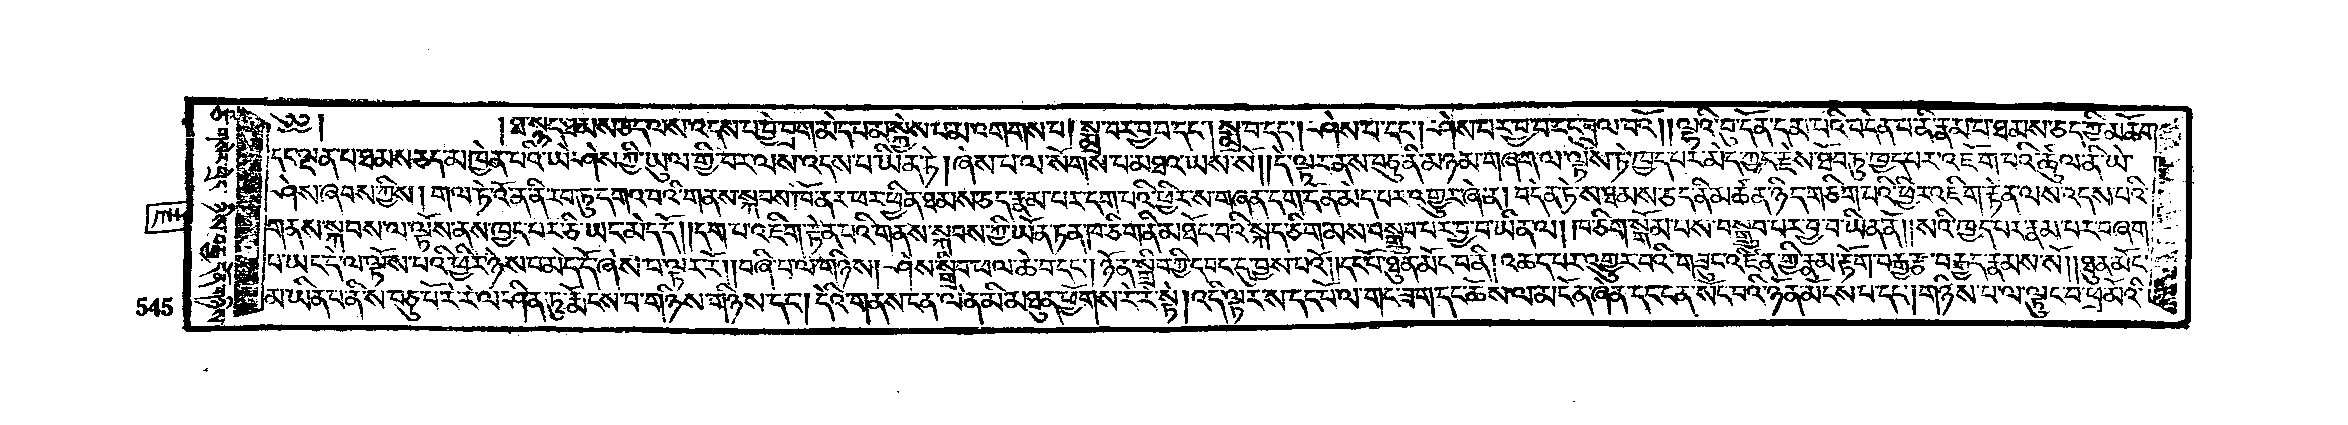༄༅། །ཐ་སྙད་ཐམས་ཅད་ལས་འདས་པ་བྱེ་བྲག་མེད་པ་མ་སྐྱེས་པ་མ་འགགས་པ། སྨྲ་བར་བྱ་བ་དང་། སྨྲ་བ་དང་། ཤེས་པ་དང་། ཤེས་པ་བྱ་བ་དང་བྲལ་བའོ། །ལྷའི་བུ་དོན་དམ་པའི་བདེན་པ་ནི་རྣམ་པ་ཐམས་ཅད་ཀྱི་མཆོག་
དང་ལྡན་པ་ཐམས་ཅད་མཁྱེན་པའི་ཡེ་ཤེས་ཀྱི་ཡུལ་གྱི་བར་ལས་འདས་པ་ཡིན་ཏེ། ཞེས་པ་ལས་སོགས་པ་མཐའ་ཡས་སོ། །དེ་ལྟར་ན་བཅུ་ནི་མཉམ་གཞག་ལ་ལྟོས་ཏེ་ཁྱད་པར་མེད་ཀྱང་རྗེས་ཐོབ་ཏུ་ཁྱད་པར་འཇོག་པའི་ཚུལ་ནི་ཡེ་
ཤེས་ཞབས་ཀྱིས། གལ་ཏེ་འོ་ན་ནི་རབ་ཏུ་དགའ་བའི་གནས་སྐབས་ཁོ་ནར་ཕར་ཕྱིན་ཐམས་ཅད་རྣམ་པར་དག་པའི་ཕྱིར་ས་གཞན་དག་དོན་མེད་པར་འགྱུར་ཞེ་ན། བདེན་ཏེ་ས་ཐམས་ཅད་ནི་མཚན་ཉིད་གཅིག་པའི་ཕྱིར་འཇིག་རྟེན་ལས་འདས་པའི་
གནས་སྐབས་ལ་ལྟོས་ནས་ཁྱད་པར་ཅི་ཡང་མེད་དོ། །དག་པ་འཇིག་རྟེན་པའི་གནས་སྐབས་ཀྱི་ཡོན་ཏན་ཁ་ཅིག་ནི་མཐོང་བའི་སྐད་ཅིག་མས་བསྒྲུབ་པར་བྱ་བ་ཡིན་ལ། ཁ་ཅིག་སྒོམ་པས་བསྒྲུབ་པར་བྱ་བ་ཡིན་ནོ། །སའི་ཁྱད་པར་རྣམ་པར་བཞག་
པ་ཡང་དེ་ལ་ལྟོས་པའི་ཕྱིར་ཉེས་པ་མེད་དོ་ཞེས་པ་ལྟར་རོ། །བཞི་པ་ལ་གཉིས། ཤེས་སྒྲིབ་ཕལ་ཆེ་བ་དང་། ཉོན་སྒྲིབ་ཀྱི་དབང་དུ་བྱས་པའོ། །དང་པོ་ཐུན་མོང་བ་ནི། འཆད་པར་འགྱུར་བའི་གཟུང་འཛིན་གྱི་རྣམ་རྟོག་བརྒྱ་རྩ་བརྒྱད་རྣམས་སོ། །ཐུན་མོང་
མ་ཡིན་པ་ནི་ས་བཅུ་པོ་རེ་རེ་ལ་ཤིན་ཏུ་རྨོངས་པ་གཉིས་གཉིས་དང་། དེའི་གནས་ངན་ལེན་མི་མཐུན་ཕྱོགས་རེ་རེ་སྟེ། འདི་ལྟར་ས་དང་པོ་ལ་གང་ཟག་དང་ཆོས་ལ་མངོན་ཞེན་དང་ངན་སོང་བའི་ཉོན་མོངས་པ་དང་། གཉིས་པ་ལ་ལྟུང་བ་ཕྲ་མོའི་